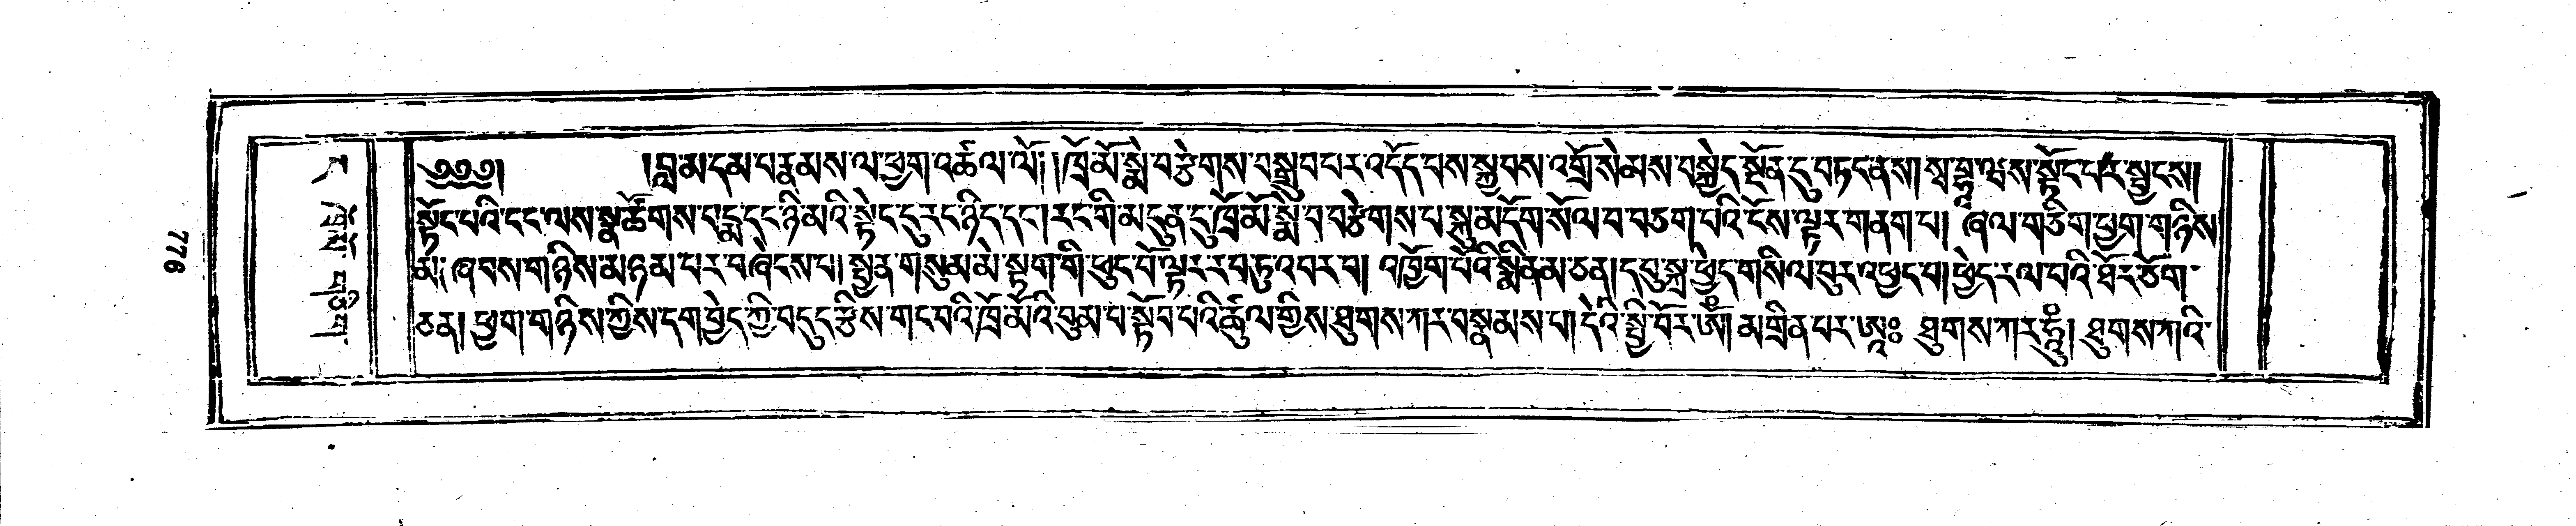༄༅༅། །བླ་མ་དམ་པ་རྣམས་ལ་ཕྱག་འཚལ་ལོ། །ཁྲོ་མོ་སྨེ་བརྩེགས་བསྒྲུབ་པར་འདོད་པས་སྐྱབས་འགྲོ་སེམས་བསྐྱེད་སྔོན་དུ་བཏང་ནས། སྭ་བྷཱ་ཝས་སྟོང་པར་སྦྱངས།
སྟོང་པའི་ངང་ལས་སྣ་ཚོགས་པདམ་དང་ཉི་མའི་སྟེང་དུ་རང་ཉིད་དང་། རང་གི་མདུན་དུ་ཁྲོ་མོ་སྨེ་བ་བརྩེགས་པ་སྐུ་མདོག་སོལ་བ་བཅག་པའི་ངོས་ལྟར་གནག་པ། ཞལ་གཅིག་ཕྱག་གཉིས་
མ༑ ཞབས་གཉིས་མཉམ་པར་བཞེངས་པ། སྤྱན་གསུམ་མེ་སྟག་གི་ཕུང་པོ་ལྟར་རབ་ཏུ་འབར་བ། འཁྱོག་པོའི་སྨིན་མ་ཅན། དབུ་སྐྲ་ཕྱེད་གསིལ་བུར་འཕྱང་བ། ཕྱེད་རལ་པའི་ཐོར་ཅོག་
ཅན། ཕྱག་གཉིས་ཀྱིས་དག་བྱེད་ཀྱི་བདུད་རྩིས་གང་བའི་ཁྲོ་མོའི་བུམ་པ་སྟོབ་པའི་ཚུལ་གྱིས་ཐུགས་ཀར་བསྣམས་པ། དེའི་སྤྱི་བོར་ཨོཾ། མགྲིན་པར་ཨཱཿ ཐུགས་ཀར་ཧཱུཾ། ཐུགས་ཀའི་